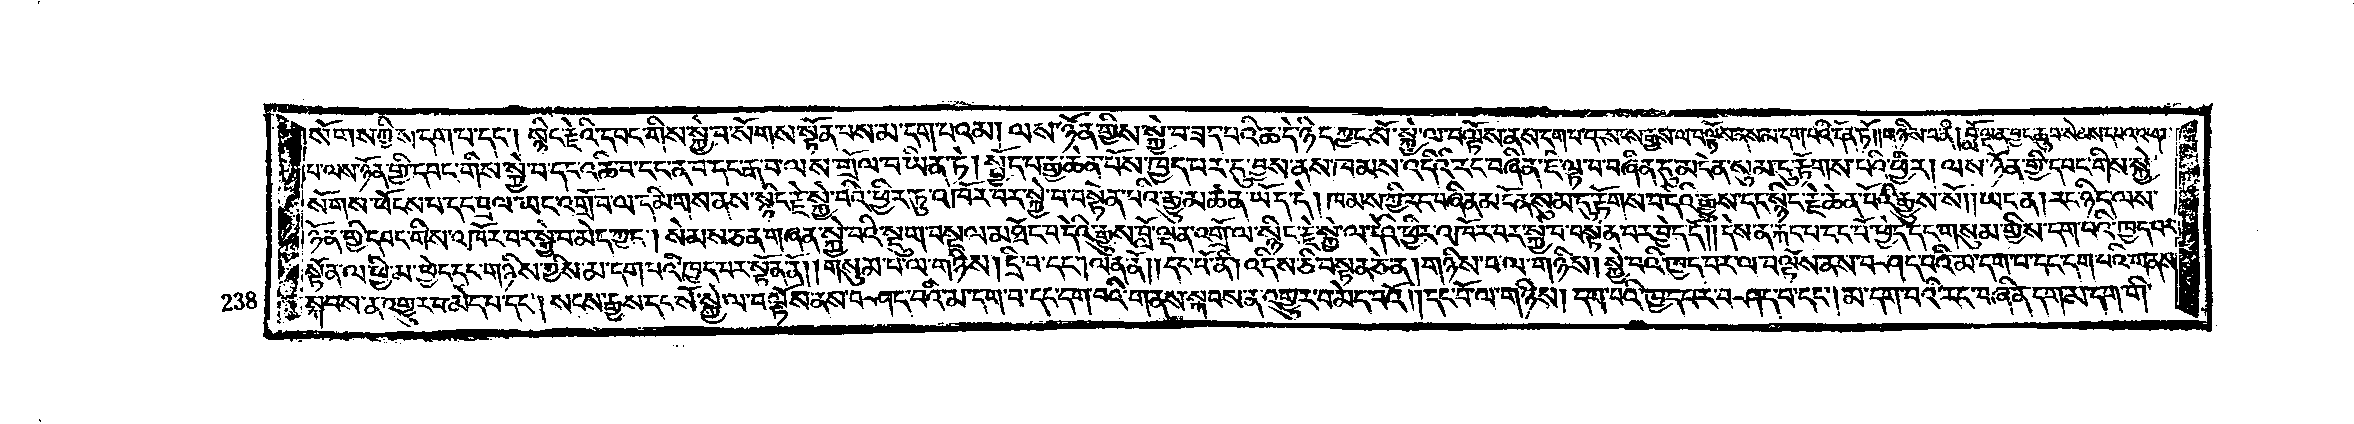སོགས་ཀྱིས་དག་པ་དང་། སྙིང་རྗེའི་དབང་གིས་སྐྱེ་བ་སོགས་སྟོན་པས་མ་དག་པའམ། ལས་ཉོན་གྱིས་སྐྱེ་བ་ཟད་པའི་ཆ་དེ་ཉིད་ཀྱང་སོ་སྐྱེ་ལ་བལྟོས་ནས་དག་པ་དང་སངས་རྒྱས་ལ་བལྟོས་ནས་མ་དག་པའི་དོན་ཏོ། །གཉིས་པ་ནི། བློ་ལྡན་བྱང་ཆུབ་སེམས་དཔའ་འཕགས་
པ་ལས་ཉོན་གྱི་དབང་གིས་སྐྱེ་བ་དང་འཆི་བ་དང་ན་བ་དང་རྒ་བ་ལས་གྲོལ་བ་ཡིན་ཏེ། སྤྱོད་པ་རྒྱ་ཆེན་པོས་ཁྱད་པར་དུ་བྱས་ནས་ཁམས་འདིའི་རང་བཞིན་ཇི་ལྟ་བ་བཞིན་དུ་མངོན་སུམ་དུ་རྟོགས་པའི་ཕྱིར། ལས་ཉོན་གྱི་དབང་གིས་སྐྱེ་
སོགས་ཕོངས་པ་དང་བྲལ་ཡང་འགྲོ་བ་ལ་དམིགས་ནས་སྙིང་རྗེ་སྐྱེ་བའི་ཕྱིར་ཏུ་འཁོར་བར་སྐྱེ་བ་བསྟེན་པའི་རྒྱུ་མཚན་ཡོད་དེ། ཁམས་ཀྱི་རང་བཞིན་མངོན་སུམ་དུ་རྟོགས་པ་དེའི་རྒྱུས་དང་སྙིང་རྗེ་ཆེན་པོའི་རྒྱུས་སོ། །ཡང་ན། རང་ཉིད་ལས་
ཉོན་གྱི་དབང་གིས་འཁོར་བར་སྐྱེ་བ་མེད་ཀྱང་། སེམས་ཅན་གཞན་སྐྱེ་བའི་སྡུག་བསྔལ་མཐོང་བ་དེའི་རྒྱུས་བློ་ལྡན་འགྲོ་ལ་སྙིང་རྗེ་སྐྱེ་ལ་དེའི་ཕྱིར་འཁོར་བར་སྐྱེ་བ་བསྟན་པར་བྱེད་དོ། །དེས་ན་རྐང་པ་དང་པོ་ཕྱེད་དང་གསུམ་གྱིས་དག་པའི་ཁྱད་པར་
སྟོན་ལ་ཕྱི་མ་ཕྱེད་དང་གཉིས་ཀྱིས་མ་དག་པའི་ཁྱད་པར་སྟོན་ནོ། །གསུམ་པ་ལ་གཉིས། དྲི་བ་དང་། ལན་ནོ། །དང་པོ་ནི། འདིས་ཅི་བསྟན་ཅེ་ན། གཉིས་པ་ལ་གཉིས། སྐྱེ་བའི་ཁྱད་པར་ལ་བལྟོས་ནས་བཤད་པའི་མ་དག་པ་དང་དག་པའི་གནས་
སྐབས་ན་འགྱུར་བ་མེད་པ་དང་། སངས་རྒྱས་དང་སོ་སྐྱེ་ལ་བལྟོས་ནས་བཤད་པའི་མ་དག་པ་དང་དག་པའི་གནས་སྐབས་ན་འགྱུར་བ་མེད་པའོ། །དང་པོ་ལ་གཉིས། དག་པའི་ཁྱད་པར་བཤད་པ་དང་། མ་དག་པའི་རང་བཞིན་དག་མ་དག་གི་